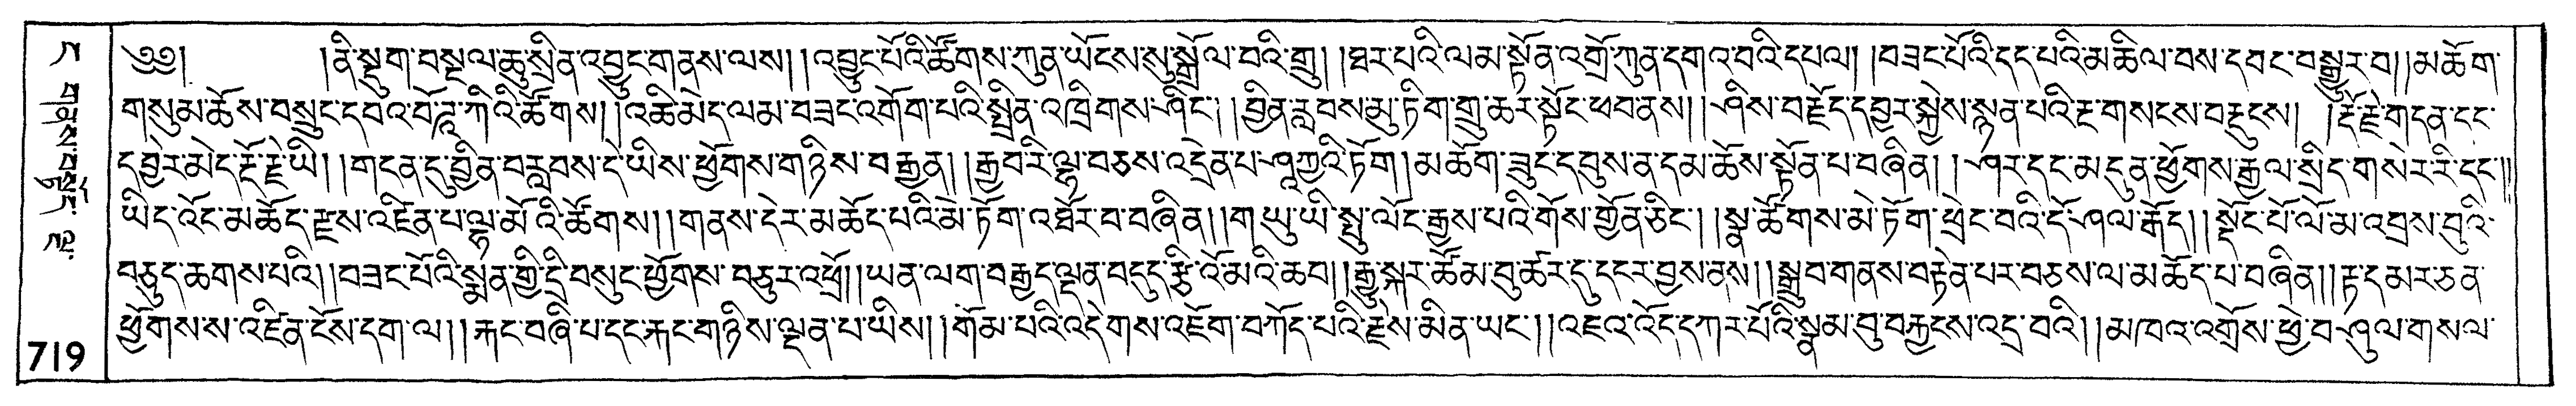༄༅། །ནི་སྡུག་བསྔལ་ཆུ་སྲིན་འབྱུང་གནས་ལས། །འབྱུང་པོའི་ཚོགས་ཀུན་ཡོངས་སུ་སྒྲོལ་བའི་གྲུ། །ཐར་པའི་ལམ་སྟོན་འགྲོ་ཀུན་དགའ་བའི་དཔལ། །བཟང་པོའི་དད་པའི་མཆིལ་བས་དབང་བསྒྱུར་བ། །མཆོག་
གསུམ་ཆོས་བསྲུང་དབའ་བོ་ཌཱ་ཀིའི་ཚོགས། །འཆི་མེད་ལམ་བཟང་འགོག་པའི་སྤྲིན་འཁྲིགས་ཤིང་། །བྱིན་རླབས་མུ་ཏིག་གྲུ་ཆར་སྟོང་ཕབ་ནས། །ཤིས་བརྗོད་དབྱར་སྐྱེས་སྙན་པའི་རྔ་གསངས་བརྡུངས། །རྡོ་རྗེ་གདན་དང་
དབྱེར་མེད་རྡོ་རྗེ་ཡི། །གདན་དུ་བྱིན་བརླབས་དེ་ཡིས་ཕྱོགས་གཉིས་བརྒྱན། །རྒྱབ་རི་ལྷ་བཅས་འདྲེན་པ་ཤཱཀྱའི་ཏོག །མཆོག་ཟུང་དབུས་ན་དམ་ཆོས་སྟོན་པ་བཞིན། །ཤར་དང་མདུན་ཕྱོགས་རྒྱལ་སྲིད་གསེར་རི་དང་། །
ཡིད་འོང་མཆོད་རྫས་འཛིན་པ་ལྷ་མོའི་ཚོགས། །གནས་དེར་མཆོད་པའི་མེ་ཏོག་འཐོར་བ་བཞིན། །གཡུ་ཡི་སྤུ་ལོང་རྒྱས་པའི་གོས་གྱོན་ཅིང་། །སྣ་ཚོགས་མེ་ཏོག་ཕྲེང་བའི་དོ་ཤལ་རྒོད། །སྡོང་པོ་ལོ་མ་འབྲས་བུའི་
བཅུད་ཆགས་པའི། །བཟང་པོའི་སྨན་གྱི་དྲི་བསུང་ཕྱོགས་བཅུར་འཕྲོ། །ཡན་ལག་བརྒྱད་ལྡན་བདུད་རྩི་འོ་མའི་ཆབ། །རྒྱུ་སྐར་ཚོམ་བུ་ཚར་དུ་དངར་བྱས་ནས། །སྒྲུབ་གནས་བརྟེན་པར་བཅས་ལ་མཆོད་པ་བཞིན། །རྟ་དམར་ཅན་
ཕྱོགས་ས་འཛིན་ངོས་དག་ལ། །རྐང་བཞི་པ་དང་རྐང་གཉིས་ལྡན་པ་ཡིས། །གོམ་པའི་འདེགས་འཇོག་བཀོད་པའི་རྗེས་མིན་ཡང་། །འཇའ་འོད་དཀར་པོའི་སྣམ་བུ་བརྐྱངས་འདྲ་བའི། །མཁའ་འགྲོས་ཕྱེ་བཤུལ་གསལ་